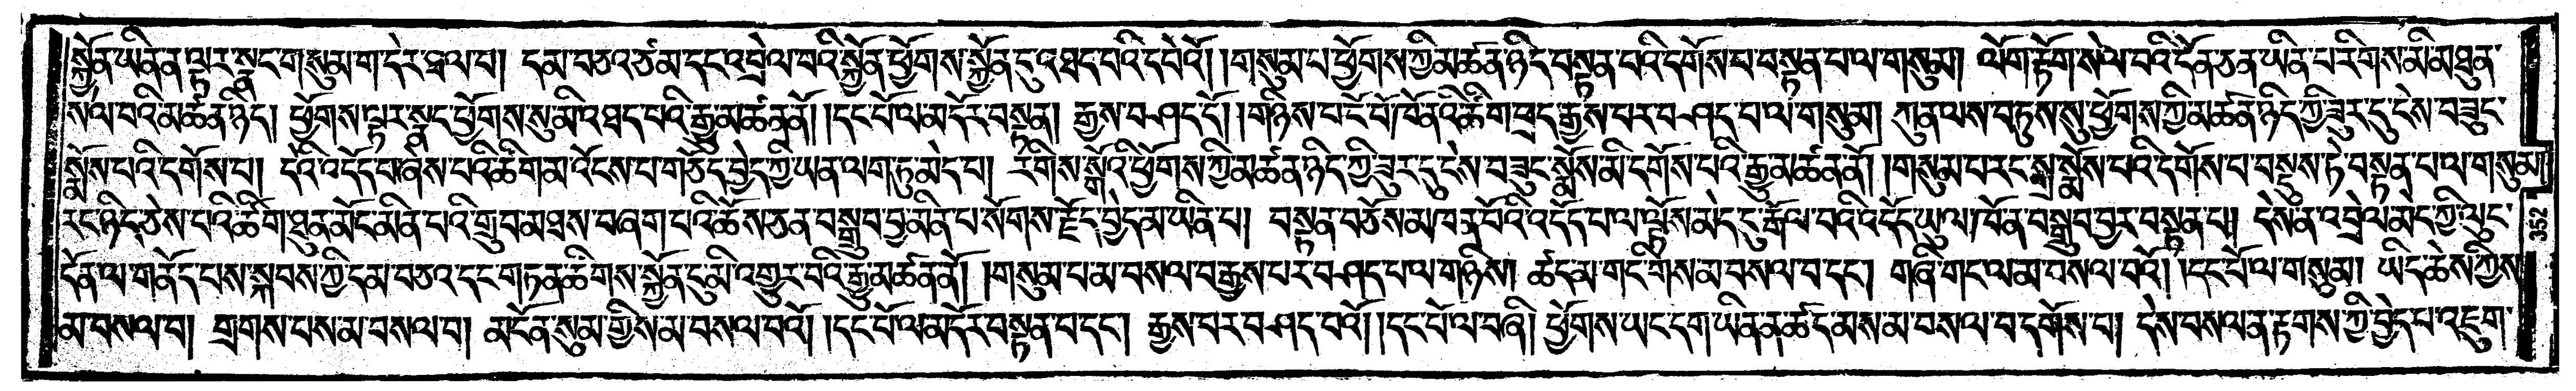སྐྱོན་ཡིན་ན་ལྟར་སྣང་གསུམ་ག་དེར་ཐལ་བ། དམ་བཅའ་ཙམ་དང་འབྲེལ་བའི་སྐྱོན་ཕྱོགས་སྐྱོན་དུ་འཐད་པའི་དཔེའོ། །གསུམ་པ་ཕྱོགས་ཀྱི་མཚན་ཉིད་བསྟན་པའི་དགོས་པ་བསྟན་པ་ལ་གསུམ། ལོག་རྟོག་སེལ་བའི་དོན་ཅན་ཡིན་པ་རིགས་མི་མཐུན་
སེལ་བའི་མཚན་ཉིད། ཕྱོགས་ལྟར་སྣང་ཕྱོགས་སུ་མི་འཐད་པའི་རྒྱུ་མཚན་ནོ། །དང་པོ་ལ་མདོར་བསྟན། རྒྱས་བཤད་དོ། །གཉིས་པ་ངོ་བོ་ཁོ་ནའི་ཚིག་ཕྲད་རྒྱས་པར་བཤད་པ་ལ་གསུམ། ཀུན་ལས་བཏུས་སུ་ཕྱོགས་ཀྱི་མཚན་ཉིད་ཀྱི་ཟུར་དུ་ངེས་བཟུང་
སྨོས་པའི་དགོས་པ། དེའི་འདོད་པ་ཞེས་པའི་ཚིག་མ་འོངས་པ་གཅོད་བྱེད་ཀྱི་ཡན་ལག་ཏུ་མེད་པ། རིགས་སྒོའི་ཕྱོགས་ཀྱི་མཚན་ཉིད་ཀྱི་ཟུར་དུ་ངེས་བཟུང་སྨོས་མི་དགོས་པའི་རྒྱུ་མཚན་ནོ། །གསུམ་པ་རང་སྒྲ་སྨོས་པའི་དགོས་པ་བསྡུས་ཏེ་བསྟན་པ་ལ་གསུམ་
རང་ཉིད་ཅེས་པའི་ཚིག་ཐུན་མོང་མིན་པའི་གྲུབ་མཐས་བཞག་པའི་ཆོས་ཅན་བསྒྲུབ་བྱ་མིན་པ་སོགས་རྗོད་བྱེད་མ་ཡིན་པ། བསྟན་བཅོས་མཁན་པོའི་འདོད་པ་ལ་ལྟོས་མེད་དུ་རྒོལ་བའི་འདོད་ཡུལ་ཁོ་ན་བསྒྲུབ་བྱར་བསྟན་པ། དེས་ན་འབྲེལ་མེད་ཀྱི་ལུང་
དོན་ལ་གནོད་པས་སྐབས་ཀྱི་དམ་བཅའ་དང་གཏན་ཚིགས་སྐྱོན་དུ་མི་འགྱུར་བའི་རྒྱུ་མཚན་ནོ། །གསུམ་པ་མ་བསལ་བ་རྒྱས་པར་བཤད་པ་ལ་གཉིས། ཚད་མ་གང་གིས་མ་བསལ་བ་དང་། གཞི་གང་ལ་མ་བསལ་བའོ། །དང་པོ་ལ་གསུམ། ཡིད་ཆེས་ཀྱིས་
མ་བསལ་བ། གྲགས་པས་མ་བསལ་བ། མངོན་སུམ་གྱིས་མ་བསལ་བའོ། །དང་པོ་ལ་མདོར་བསྟན་པ་དང་། རྒྱས་པར་བཤད་པའོ། །དང་པོ་ལ་བཞི། ཕྱོགས་ཡང་དག་ཡིན་ན་ཚད་མས་མ་བསལ་བ་དགོས་པ། དེས་བསལ་ན་རྟགས་ཀྱི་བྱེད་འཇུག་